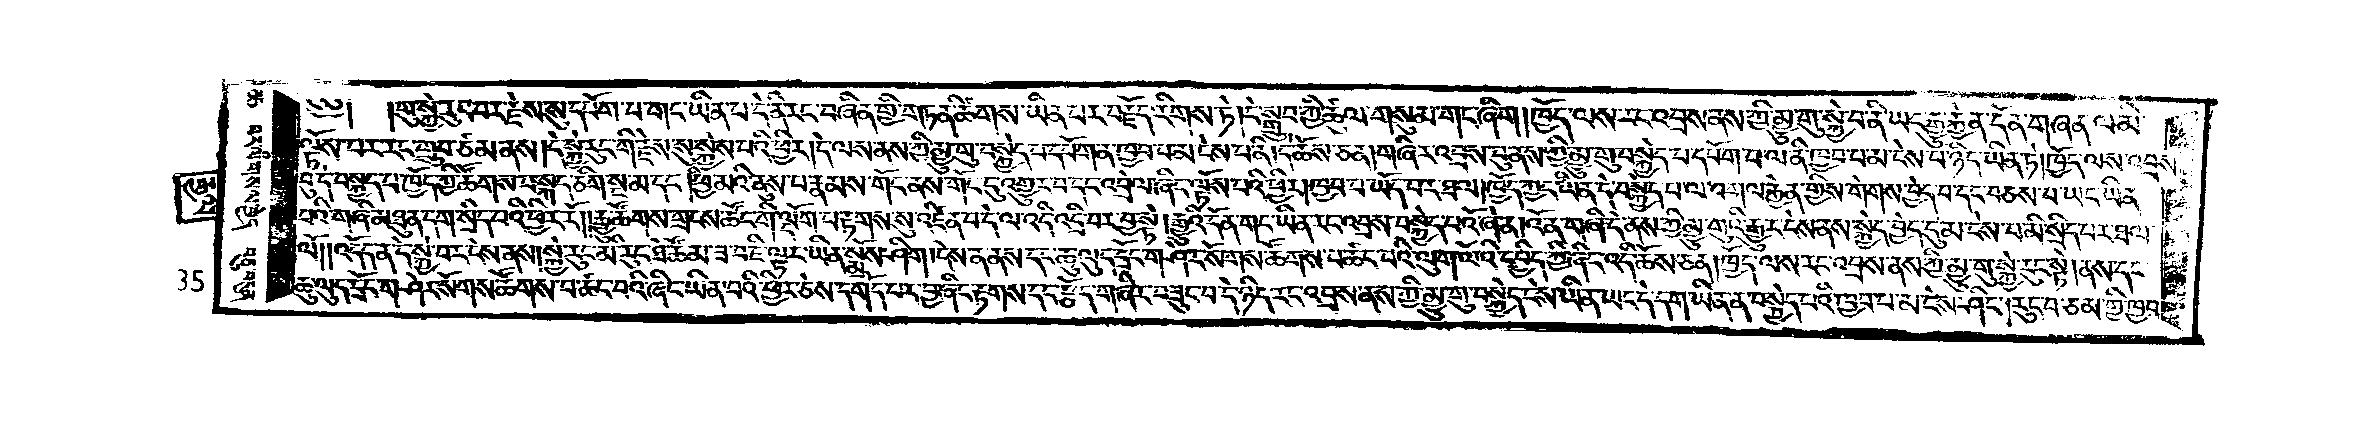༄༅། །གུ་སྐྱེ་རུང་བར་རྗེས་སུ་དཔོག་པ་གང་ཡིན་པ་དེ་ནི་རང་བཞིན་གྱི་གཏན་ཚིགས་ཡིན་པར་བརྗོད་རིགས་ཏེ། དེ་སྒྲུབ་ཀྱི་ཚུལ་གསུམ་གང་ཞིག །ཁྱོད་ལས་རང་འབྲས་ནས་ཀྱི་མྱུ་གུ་སྐྱེ་བ་ནི་ཡང་རྒྱུ་རྐྱེན་དོན་གཞན་ལ་མི་
ལྟོས་པར་རང་གྲུབ་ཙམ་ནས། དེ་སྐྱེ་རུང་གི་རྗེས་སུ་སྐྱེས་པའི་ཕྱིར། དེ་ལས་ནས་ཀྱི་མྱུ་གུ་བསྐྱེད་པ་དཔོག་ན་ཁྱབ་པ་མ་ངེས་པ་ནི། དེ་ཆོས་ཅན། གཞིར་འབྲས་བུ་ནས་ཀྱི་མྱུ་གུ་བསྐྱེད་པ་དཔོག་པ་ལ་ནི་ཁྱབ་པ་མ་ངེས་པ་ཉིད་ཡིན་ཏེ། ཁྱོད་ལས་འབྲས་
བུ་དེ་བསྐྱེད་པ་ཁྱོད་ཀྱི་ཚོགས་པ་སྐད་ཅིག་སྔ་མ་དང་། ཕྱི་མའི་ནུས་པ་རྣམས་གོང་ནས་གོང་དུ་འགྱུར་བ་དང་འབྲེལ་ཞིང་ལྟོས་པའི་ཕྱིར། ཁྱབ་པ་ཡོད་པར་ཐལ། ཁྱོད་ཀྱང་ཡིན་དེ་བསྐྱེད་པ་ལ་འགལ་རྐྱེན་གྱིས་གེགས་བྱེད་པ་དང་བཅས་པ་ཡང་ཡིན་
པའི་གཞི་མཐུན་དག་སྲིད་པའི་ཕྱིར་རོ། །རྒྱུ་ཚོགས་གྲངས་ཚོང་གི་ལྡོག་པ་རྟགས་སུ་འཛིན་པ་དེ་ལ་འདི་འདྲི་བར་བྱ་སྟེ། རྒྱུའི་དོན་གང་ཡིན་རང་འབྲས་བསྐྱེད་པའོ་ཞེ་ན། འོ་ན་གཞི་དེ་ནས་ཀྱི་མྱུ་གུའི་རྒྱུར་ངེས་ནས་སྐྱེད་བྱེད་དུ་མ་ངེས་པ་མི་སྲིད་པར་ཐལ་
ལོ། །འདོད་ན་དེ་སྐྱེ་བར་ངེས་ནས། སྐྱེ་རུང་མི་རུང་ཐེ་ཚོམ་ཟ་བ་ཇི་ལྟར་ཡིན་སྨྲོས་ཤིག །དེས་ན་ནས་དང་ཆུ་ལུད་དྲོད་གཤེར་སོགས་ཚོགས་པ་ཚང་བའི་ལུག་ལོའི་དཔྱིད་ཀྱི་ཞིང་འདི་ཆོས་ཅན། ཁྱོད་ལས་རང་འབྲས་ནས་ཀྱི་མྱུ་གུ་སྐྱེ་རུང་སྟེ། ནས་དང་
ཆུ་ལུད་དྲོད་གཤེར་སོགས་ཚོགས་པ་ཚང་བའི་ཞིང་ཡིན་པའི་ཕྱིར་ཅེས་དགོད་པར་བྱ་ཞིང་རྟགས་དང་རྩོད་གཞིར་བཟུང་བ་དེ་ཉིད་རང་འབྲས་ནས་ཀྱི་མྱུ་གུ་བསྐྱེད་ངེས་ཡིན་ཡང་དེ་དག་ཡིན་ན་བསྐྱེད་པའི་ཁྱབ་པ་མ་ངེས་ཤིང་། རུང་བ་ཙམ་གྱི་ཁྱབ་